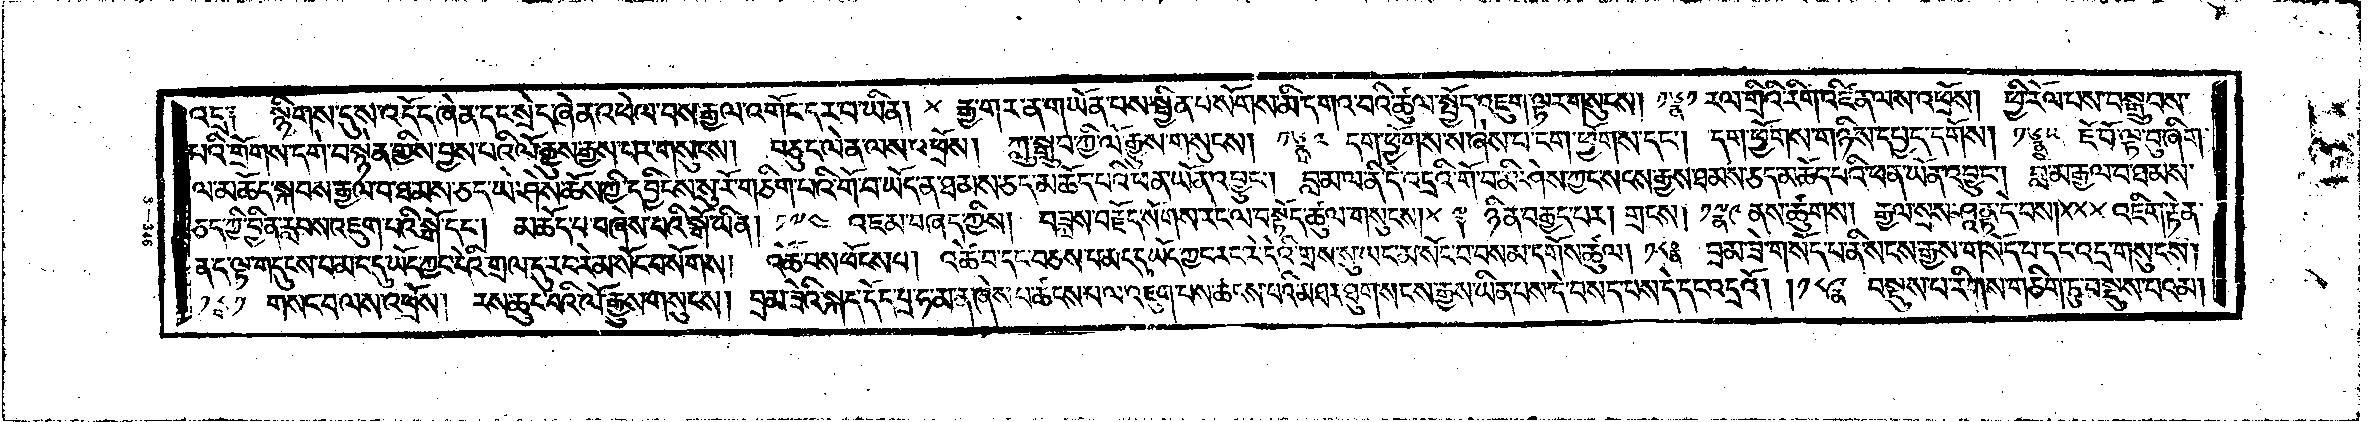འདྲ༑ སྙིགས་དུས་འདོད་ཞེན་དང་སྲེད་ཞེན་འཕེལ་བས་རྒྱལ་འགོང་དར་བ་ཡིན།྾་རྒྱ་གར་ན་གཡོན་པས་སྦྱིན་པ་སོགས་མི་དགའ་བའི་ཚུལ་སྤྱོད་འཇུག་ལྟར་གསུངས། ༡༦༡་རལ་གྲིའི་རིག་འཛིན་ལས་འཕྲོས། ཕྱི་རོལ་པས་བསྒྲུབས་
པའི་གྲོགས་དགེ་བསྙེན་གྱིས་བྱས་པའི་ལོ་རྒྱུས་རྒྱས་པར་གསུངས། བཅུང་ལེན་ལས་འཕྲོས། ཀླུ་སྒྲུབ་ཀྱི་ལོ་རྒྱུས་གསུངས། ༡༦༢་དག་ཕྱོགས་ས་ཞེས་པ་ངག་ཕྱོགས་དང་། དག་ཕྱོགས་གཉིས་དཔྱད་དགོས། ༡༦༥་ཇོ་བོ་ལྟ་བུ་ཞིག་
ལ་མཆོད་སྐབས་རྒྱལ་བ་ཐམས་ཅད་ཡེ་ཤེས་ཆོས་ཀྱི་དབྱིངས་སུ་རོ་གཅིག་པའི་གོ་བ་ཡོད་ན་ཐམས་ཅད་མཆོད་པའི་ཕན་ཡོན་འབྱུང་། བླ་མ་ལ་ནི་དེ་འདྲའི་གོ་བ་མི་ཤེས་ཀྱང་སངས་རྒྱས་ཐམས་ཅད་མཆོད་པའི་ཕན་ཡོན་འབྱུང་། བླ་མ་རྒྱལ་བ་ཐམས་
ཅད་ཀྱི་བྱིན་རླབས་འཇུག་པའི་སྒོ་དང་། མཆོད་པ་བཞེས་པའི་སྒོ་ཡིན། ༡༧༤་འཇམ་བཞད་ཀྱིས། བཟླས་བརྗོད་སོགས་རང་ལ་བསྟོད་ཚུལ་གསུངས།྾་༈ ཉིན་བརྒྱད་པར། གྲངས། ༡༧༩་ནས་ཚུགས། རྒྱལ་སྲས་ཤཱནྚ་དེ་བས།྾྾྾་འཇིག་རྟེན་
ན་ད་ལྟ་གདུངས་པ་མང་དུ་ཡོད་ཀྱང་དེའི་གྲལ་དུ་རབ་རེ་མ་སོང་བ་སོགས། འཚོ་བས་ཕོངས་པ། འཚེ་བ་དང་བཅས་པ་མང་དུ་ཡོད་ཀྱང་རང་རེ་དེའི་གྲས་སུ་ཡང་མ་སོང་བ་བསམ་དགོས་ཚུལ། ༡༨༠་བྲམ་ཟེ་གསོད་པ་ནི་སངས་རྒྱས་གསོད་པ་དང་འདྲ་གསུངས།
༡༨༡་གསང་བ་ལས་འཕྲོས། རས་ཆུང་བའི་ལོ་རྒྱུས་གསུངས། བྲམ་ཟེའི་སྐད་དོད་པྲ་ཧ་མ་ན་ཞེས་པ་ཚངས་པ་ལ་འཇུག་པས་ཚངས་པའི་མཐར་ཐུག་སངས་རྒྱས་ཡིན་པས་དེ་བསད་པས་དེ་དང་འདྲའོ། །༡༨༩་བསྡུས་པ་རིགས་གཅིག་ཏུ་བསྡུས་པའམ།